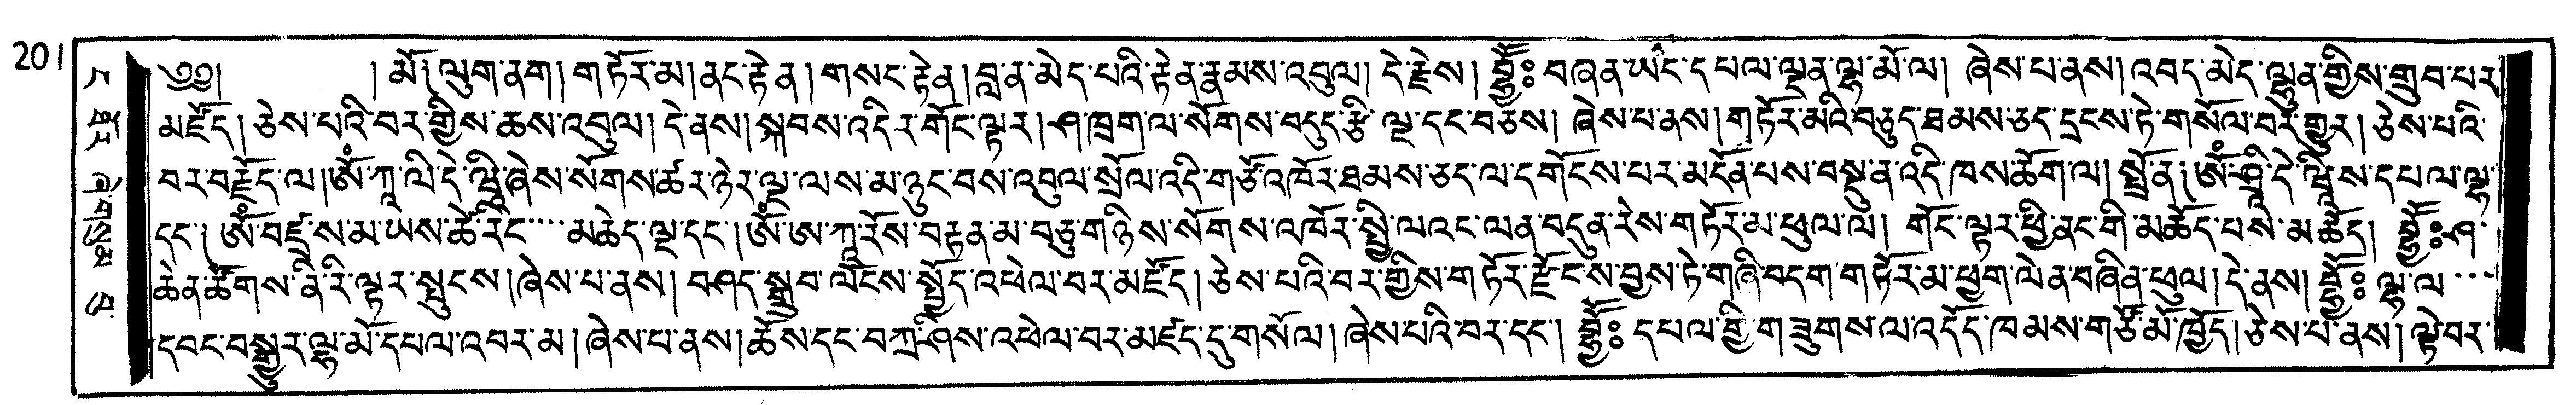༄༅། །མོ༑ ལུག་ནག །གཏོར་མ། ནང་རྟེན། གསང་རྟེན། བླ་ན་མེད་པའི་རྟེན་རྣམས་འབུལ། དེ་རྗེས། བྷྱཽཿ བཞན་ཡང་དཔལ་ལྡན་ལྷ་མོ་ལ། ཞེས་པ་ནས། འབད་མེད་ལྷུན་གྱིས་གྲུབ་པར་
མཛོད། ཅེས་པའི་བར་གྱིས་ཆས་འབུལ། དེ་ནས། སྐབས་འདིར་གོང་ལྟར། ཤ་ཁྲག་ལ་སོགས་བདུད་རྩི་ལྔ་དང་བཅས། ཞེས་པ་ནས། གཏོར་མའི་བཅུད་ཐམས་ཅད་དྲངས་ཏེ་གསོལ་བར་གྱུར། ཅེས་པའི་
བར་བརྗོད་ལ། ཨོཾ་ཀཱ་ལི་དེ་ཝཱི་ཞེས་སོགས་ཚར་ཉེར་ལྔ་ལས་མ་ཉུང་བས་འབུལ་སྲོལ་འདི་གཙོ་འཁོར་ཐམས་ཅད་ལ་དགོངས་པར་མངོན་པས་བསྡུ་ན་འདི་ཁས་ཆོག་ལ། སྤྲོ་ན༑ ཨོཾ་ཤྲཱི་དེ་ཝཱི་ས་དཔལ་ལྷ་
དང༑ ཨོཾ་བཛྲ་ས་མ་ཡས་ཚེ་རིང་མཆེད་ལྔ་དང་། ཨོཾ་ཨ་ཀཱ་རོས་བརྟན་མ་བཅུ་གཉིས་སོགས་འཁོར་སྤྱི་ལའང་ལན་བདུན་རེས་གཏོར་མ་ཕུལ་ལ། གོང་ལྟར་ཕྱི་ནང་གི་མཆོད་པས་མཆོད། བྷྱཽཿ ཤ་
ཆེན་ཚོགས་ནི་རི་ལྟར་སྤུངས། ཞེས་པ་ནས། བཤད་སྒྲུབ་ལོངས་སྤྱོད་འཕེལ་བར་མཛོད། ཅེས་པའི་བར་གྱིས་གཏོར་རྫོངས་བྱས་ཏེ་གཞི་བདག་གཏོར་མ་ཕྱག་ལེན་བཞིན་ཕུལ། དེ་ནས། བྷྱཽཿ ལྷ་ལ་
དབང་བསྒྱུར་ལྷ་མོ་དཔལ་འབར་མ། ཞེས་པ་ནས། ཆོས་དང་བཀྲ་ཤིས་འཕེལ་བར་མཛད་དུ་གསོལ། ཞེས་པའི་བར་དང་། བྷྱཽཿ དཔལ་གྱི་གཟུགས་ལ་འདོད་ཁམས་གཙོ་མོ་ཁྱོད། ཅེས་པ་ནས། ལྟེ་བར་